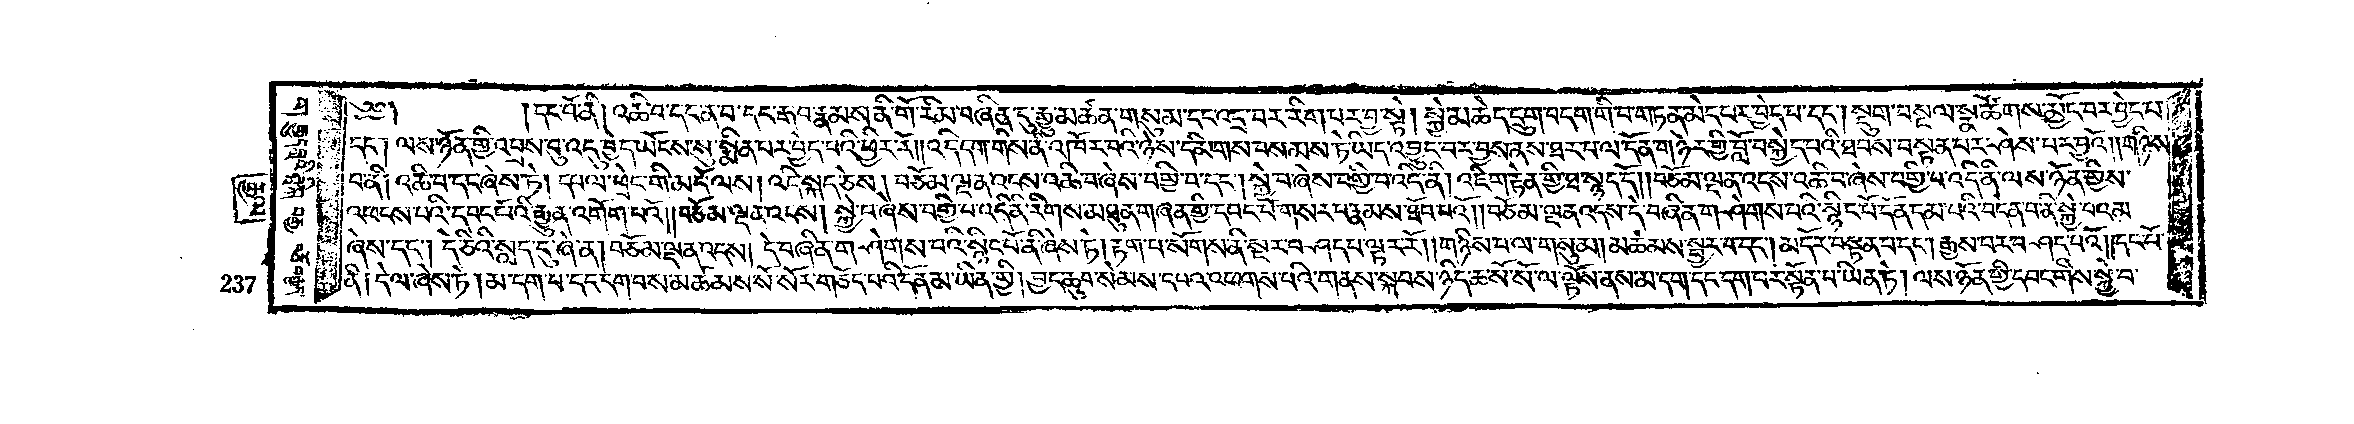༄༅། །དང་པོ་ནི། འཆི་བ་དང་ན་བ་དང་རྒ་བ་རྣམས་ནི་གོ་རིམ་བཞིན་དུ་རྒྱུ་མཚན་གསུམ་དང་འདྲ་བར་རིག་པར་བྱ་སྟེ། སྐྱེ་མཆེད་དྲུག་བདག་གི་བ་གཏན་མེད་པར་བྱེད་པ་དང་། སྡུག་བསྔལ་སྣ་ཚོགས་མྱོང་བར་བྱེད་པ་
དང༑ ལས་ཉོན་གྱི་འབྲས་བུ་འདུ་བྱེད་ཡོངས་སུ་སྨིན་པར་བྱེད་པའི་ཕྱིར་རོ། །འདི་དག་གིས་ནི་འཁོར་བའི་ཉེས་དམིགས་བསམས་ཏེ་ཡིད་འབྱུང་བར་བྱས་ནས་ཐར་པ་ལ་དོན་གཉེར་གྱི་བློ་བསྐྱེད་པའི་ཐབས་བསྟན་པར་ཤེས་པར་བྱའོ། །གཉིས་
པ་ནི། འཆི་བ་དང་ཞེས་ཏེ། དཔལ་ཕྲེང་གི་མདོ་ལས། འདི་སྐད་ཅེས། བཅོམ་ལྡན་འདས་འཆི་བ་ཞེས་བགྱི་བ་དང་། སྐྱེ་བ་ཞེས་བགྱི་བ་འདི་ནི། འཇིག་རྟེན་གྱི་ཐ་སྙད་དོ། །བཅོམ་ལྡན་འདས་འཆི་བ་ཞེས་བགྱི་བ་འདི་ནི་ལས་ཉོན་གྱིས་
འཕངས་པའི་དབང་པོའི་རྒྱུན་འགོག་པའོ། །བཅོམ་ལྡན་འདས། སྐྱེ་བ་ཞེས་བགྱི་བ་འདི་ནི་རིགས་མཐུན་གཞན་གྱི་དབང་པོ་གསར་པ་རྣམས་ཐོབ་པའོ། །བཅོམ་ལྡན་འདས་དེ་བཞིན་གཤེགས་པའི་སྙིང་པོ་དོན་དམ་པའི་བདེན་པ་ནི་སྐྱེ་བའམ་
ཞེས་དང་། དེ་ཅིའི་སླད་དུ་ཞེ་ན། བཅོམ་ལྡན་འདས། དེ་བཞིན་གཤེགས་པའི་སྙིང་པོ་ནི་ཞེས་ཏེ། རྟག་པ་སོགས་ནི་སྔར་བཤད་པ་ལྟར་རོ། །གཉིས་པ་ལ་གསུམ། མཚམས་སྦྱར་བ་དང་། མདོར་བསྟན་པ་དང་། རྒྱས་པར་བཤད་པའོ། །དང་པོ་
ནི༑ དེ་ལ་ཞེས་ཏེ། མ་དག་པ་དང་དག་པས་མཚམས་སོ་སོར་གཅོད་པའི་དོན་མ་ཡིན་གྱི་།བྱང་ཆུབ་སེམས་དཔའ་འཕགས་པའི་གནས་སྐབས་ཉིད་ཆ་སོ་སོ་ལ་ལྟོས་ནས་མ་དག་དང་དག་པར་སྟོན་པ་ཡིན་ཏེ། ལས་ཉོན་གྱི་དབང་གིས་སྐྱེ་བ་